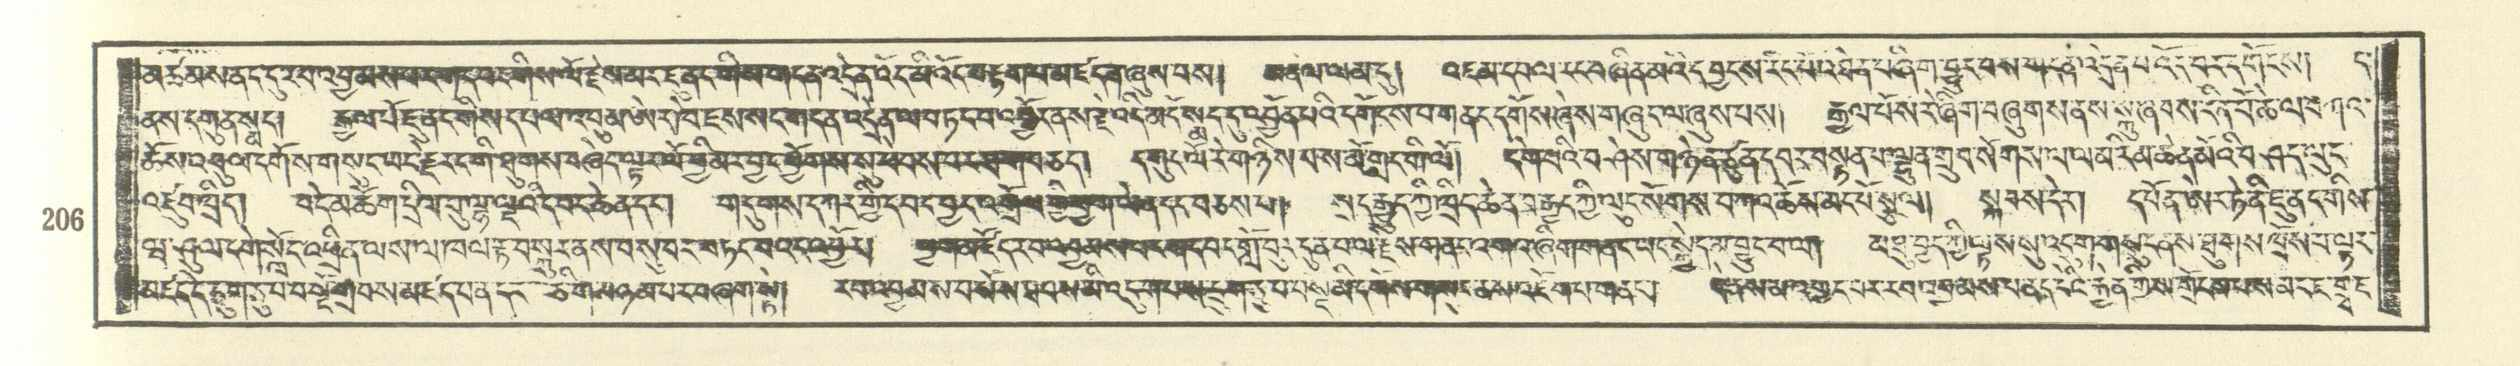མཚམས་ནང་དུ་རབ་འབྱམས་པ་ངག་དབང་གིས་ལོ་རྗེས་མར་ཇུ་ནང་གིས་གདན་འདྲེན་འོད་མི་འོད་བརྟག་པ་མཛད་ན་ཞུས་པས། མནལ་ལམ་དུ། འཇམ་དཔལ་རང་བཞིན་མའི་དབྱངས་རིང་པོ་འཐེན་པ་ཞིག་བྱུང་བས་གདན་འདྲེན་པ་འོད་བར་དགོངས། དེ་
ནས་དགུན་སླད། རྒྱལ་པོ་ཇུ་ནང་གིས་དཔལ་འབུམ་ཨེར་ཁེ་ཇས་སང་གདན་འདྲེན་ལ་བཏང་བ་འབྱོར་ནས་རྗེ་འདི་མདོ་སྨད་དུ་འབྱོན་པའི་དགོངས་པ་གནང་དགོས་ཞེས་གཞུང་ལ་ཞུས་པས། རྒྱལ་པོས་རེ་ཞིག་བཞུགས་ནས་སྐུ་ཞབས་རིན་པོ་ཆེ་ལ་བཀའ་
ཆོས་འབུལ་དགོས་གསུང་ཡང་རྗེ་རང་གི་ཐུགས་བཞེད་ལྟར་ལོ་ཕྱི་མར་བྱང་ཕྱོགས་སུ་ཕེབས་པར་ཐག་བཅད། དགུང་ལོ་རེ་གཉིས་པས་མོ་གླང་གི་ལོ། དགེ་བའི་བཤེས་གཉེན་ཙུན་དབར་བསྟན་པ་ལྷུན་གྲུབ་སོགས་ལ་ལམ་རིམ་ཆེན་མོའི་བཤད་ལུང་
འཛུབ་ཁྲིད། བདེ་མཆོག་དྲིལ་བུ་ལྷ་ལྔའི་དབང་ཆེན་དང་། གདུགས་དཀར་གྱི་དབང་བྱང་འགྲོལ་གྱི་ཕྱག་ལེན་དང་བཅས་པ། སྲད་རྒྱུད་ཀྱི་ཁྲིད་ཆེན་བརྒྱད་ཀྱི་ལུང་སོགས་བཀའ་ཆོས་མང་པོ་སྩལ། སྐབས་དེར། དཔོན་ཨེར་ཏེ་ནི་ཇུ་ནང་གིས་
ཝ་ཤུལ་དགེ་སློང་འཕྲིན་ལས་ལ་ཁལ་རྟ་བསྐུར་ནས་བསུ་བར་བཏང་བའང་འབྱོར། ཕྱག་མཛོད་རབ་འབྱམས་པ་ངག་དབང་གློ་བུར་དུ་ན་པ་ལ་རྗེས་གནང་འགའ་ཞིག་གནང་ཡང་སྐྱེད་མ་བྱུང་བ་ལ། མཐུ་བྱད་ཀྱི་ལྟས་སུ་འདུག་གསུང་ནས་ཐུགས་ཁྲོས་པ་ལྟར་
མཛད་དེ་དྲུག་ཅུ་པ་བ་སྔོ་གྲབས་མཛད་པ་ན་དང་ཅིག་མཉམ་པར་བཞག་སྟེ། རབ་འབྱམས་པ་སོས་ཐབས་མི་འདུག་པས་དྲུག་ཅུ་པ་བསྔོ་མི་དགོས་གསུང་ནས་འཇོག་པ་གནང་། དེ་ནས་མ་འགྱད་བར་རབ་འབྱམས་པ་ནད་དེའི་རྐྱེན་གྱིས་གྲོངས་པས་མང་ཇ་གྲྭ་ཇ་